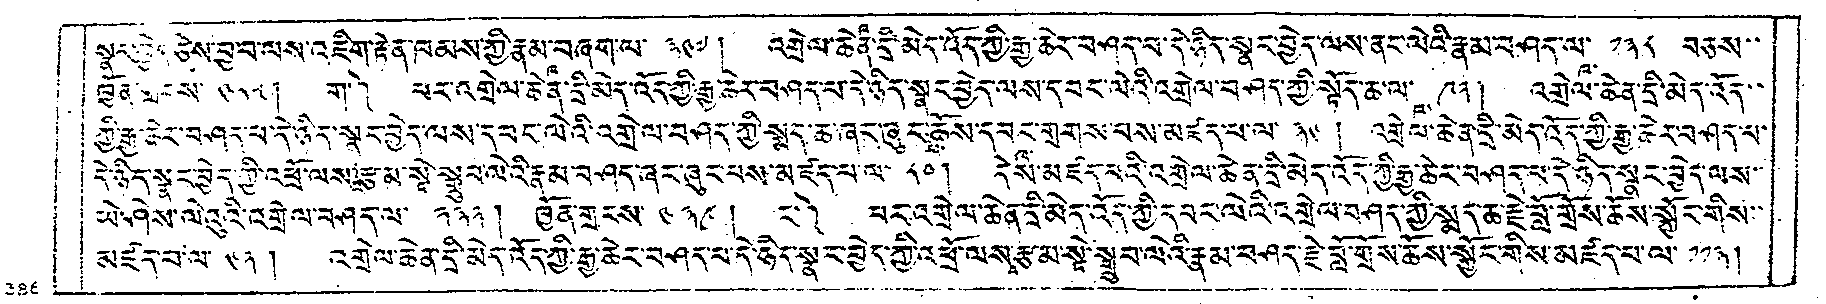སྣང་བྱེད་ཅེས་བྱ་བ་ལས་འཇིག་རྟེན་ཁམས་ཀྱི་རྣམ་བཞག་ལ ༣༤༧། འགྲེལ་ཆེན་ཁ་དྲི་མེད་འོད་ཀྱི་རྒྱ་ཆེར་བཤད་པ་དེ་ཉིད་སྣང་བྱེད་ལས་ནང་ལེའི་རྣམ་བཤད་ལ ༡༣༨་བཅས་
ཁྱོན་གྲངས ༤༨༥། ག྄་པར་འགྲེལ་ཆེན་ཁ་དྲི་མེད་འོད་ཀྱི་རྒྱ་ཆེར་བཤད་པ་དེ་ཉིད་སྣང་བྱེད་ལས་དབང་ལེའུ་འགྲེལ་བཤད་ཀྱི་སྟོད་ཆ་ལ ༩༢། འགྲེལ་ཁ་ཆེན་དྲི་མེད་འོད་
ཀྱི་རྒྱ་ཆེར་བཤད་པ་དེ་ཉིད་སྣང་བྱེད་ལས་དབང་ལེའི་འགྲེལ་བཤད་ཀྱི་སྨད་ཆ་ཞང་ཞུང་པ་ཆོས་དབང་གྲགས་པས་མཛད་པ་ལ ༣༤། འགྲེལ་ཁ་ཆེན་དྲི་མེད་འོད་ཀྱི་རྒྱ་ཆེར་བཤད་པ་
དེ་ཉིད་སྣང་བྱེད་ཀྱི་འཕྲོ་ལས་བརྩམ་སྟེ་སྒྲུབ་ལེའི་རྣམ་བཤད་ཞང་ཞུང་པས་མཛད་པ་ལ ༨༠། དེས་ཁ་མཛད་པའི་འགྲེལ་ཆེན་དྲི་མེད་འོད་ཀྱི་རྒྱ་ཆེར་བཤད་པ་དེ་ཉིད་སྣང་བྱེད་ལས་
ཡེ་ཤེས་ལེའུའི་འགྲེལ་བཤད་ལ ༢༣༢། ཁྱོན་གྲངས ༤༣༩། ང྄་པར་འགྲེལ་ཆེན་དྲི་མེད་འོད་ཀྱི་དབང་ལེའི་འགྲེལ་བཤད་ཀྱི་སྨད་ཆ་རྗེ་བློ་གྲོས་ཆོས་སྐྱོང་གིས་
མཛད་པ་ལ ༤༢། འགྲེལ་ཆེན་དྲི་མེད་འོད་ཀྱི་རྒྱ་ཆེར་བཤད་པ་དེ་ཉིད་སྣང་བྱེད་ཀྱི་འཕྲོ་ལས་བརྩམ་སྟེ་སྒྲུབ་ལེའི་རྣམ་བཤད་རྗེ་བློ་གྲོས་ཆོས་སྐྱོང་གིས་མཛད་པ་ལ ༡༡༣།